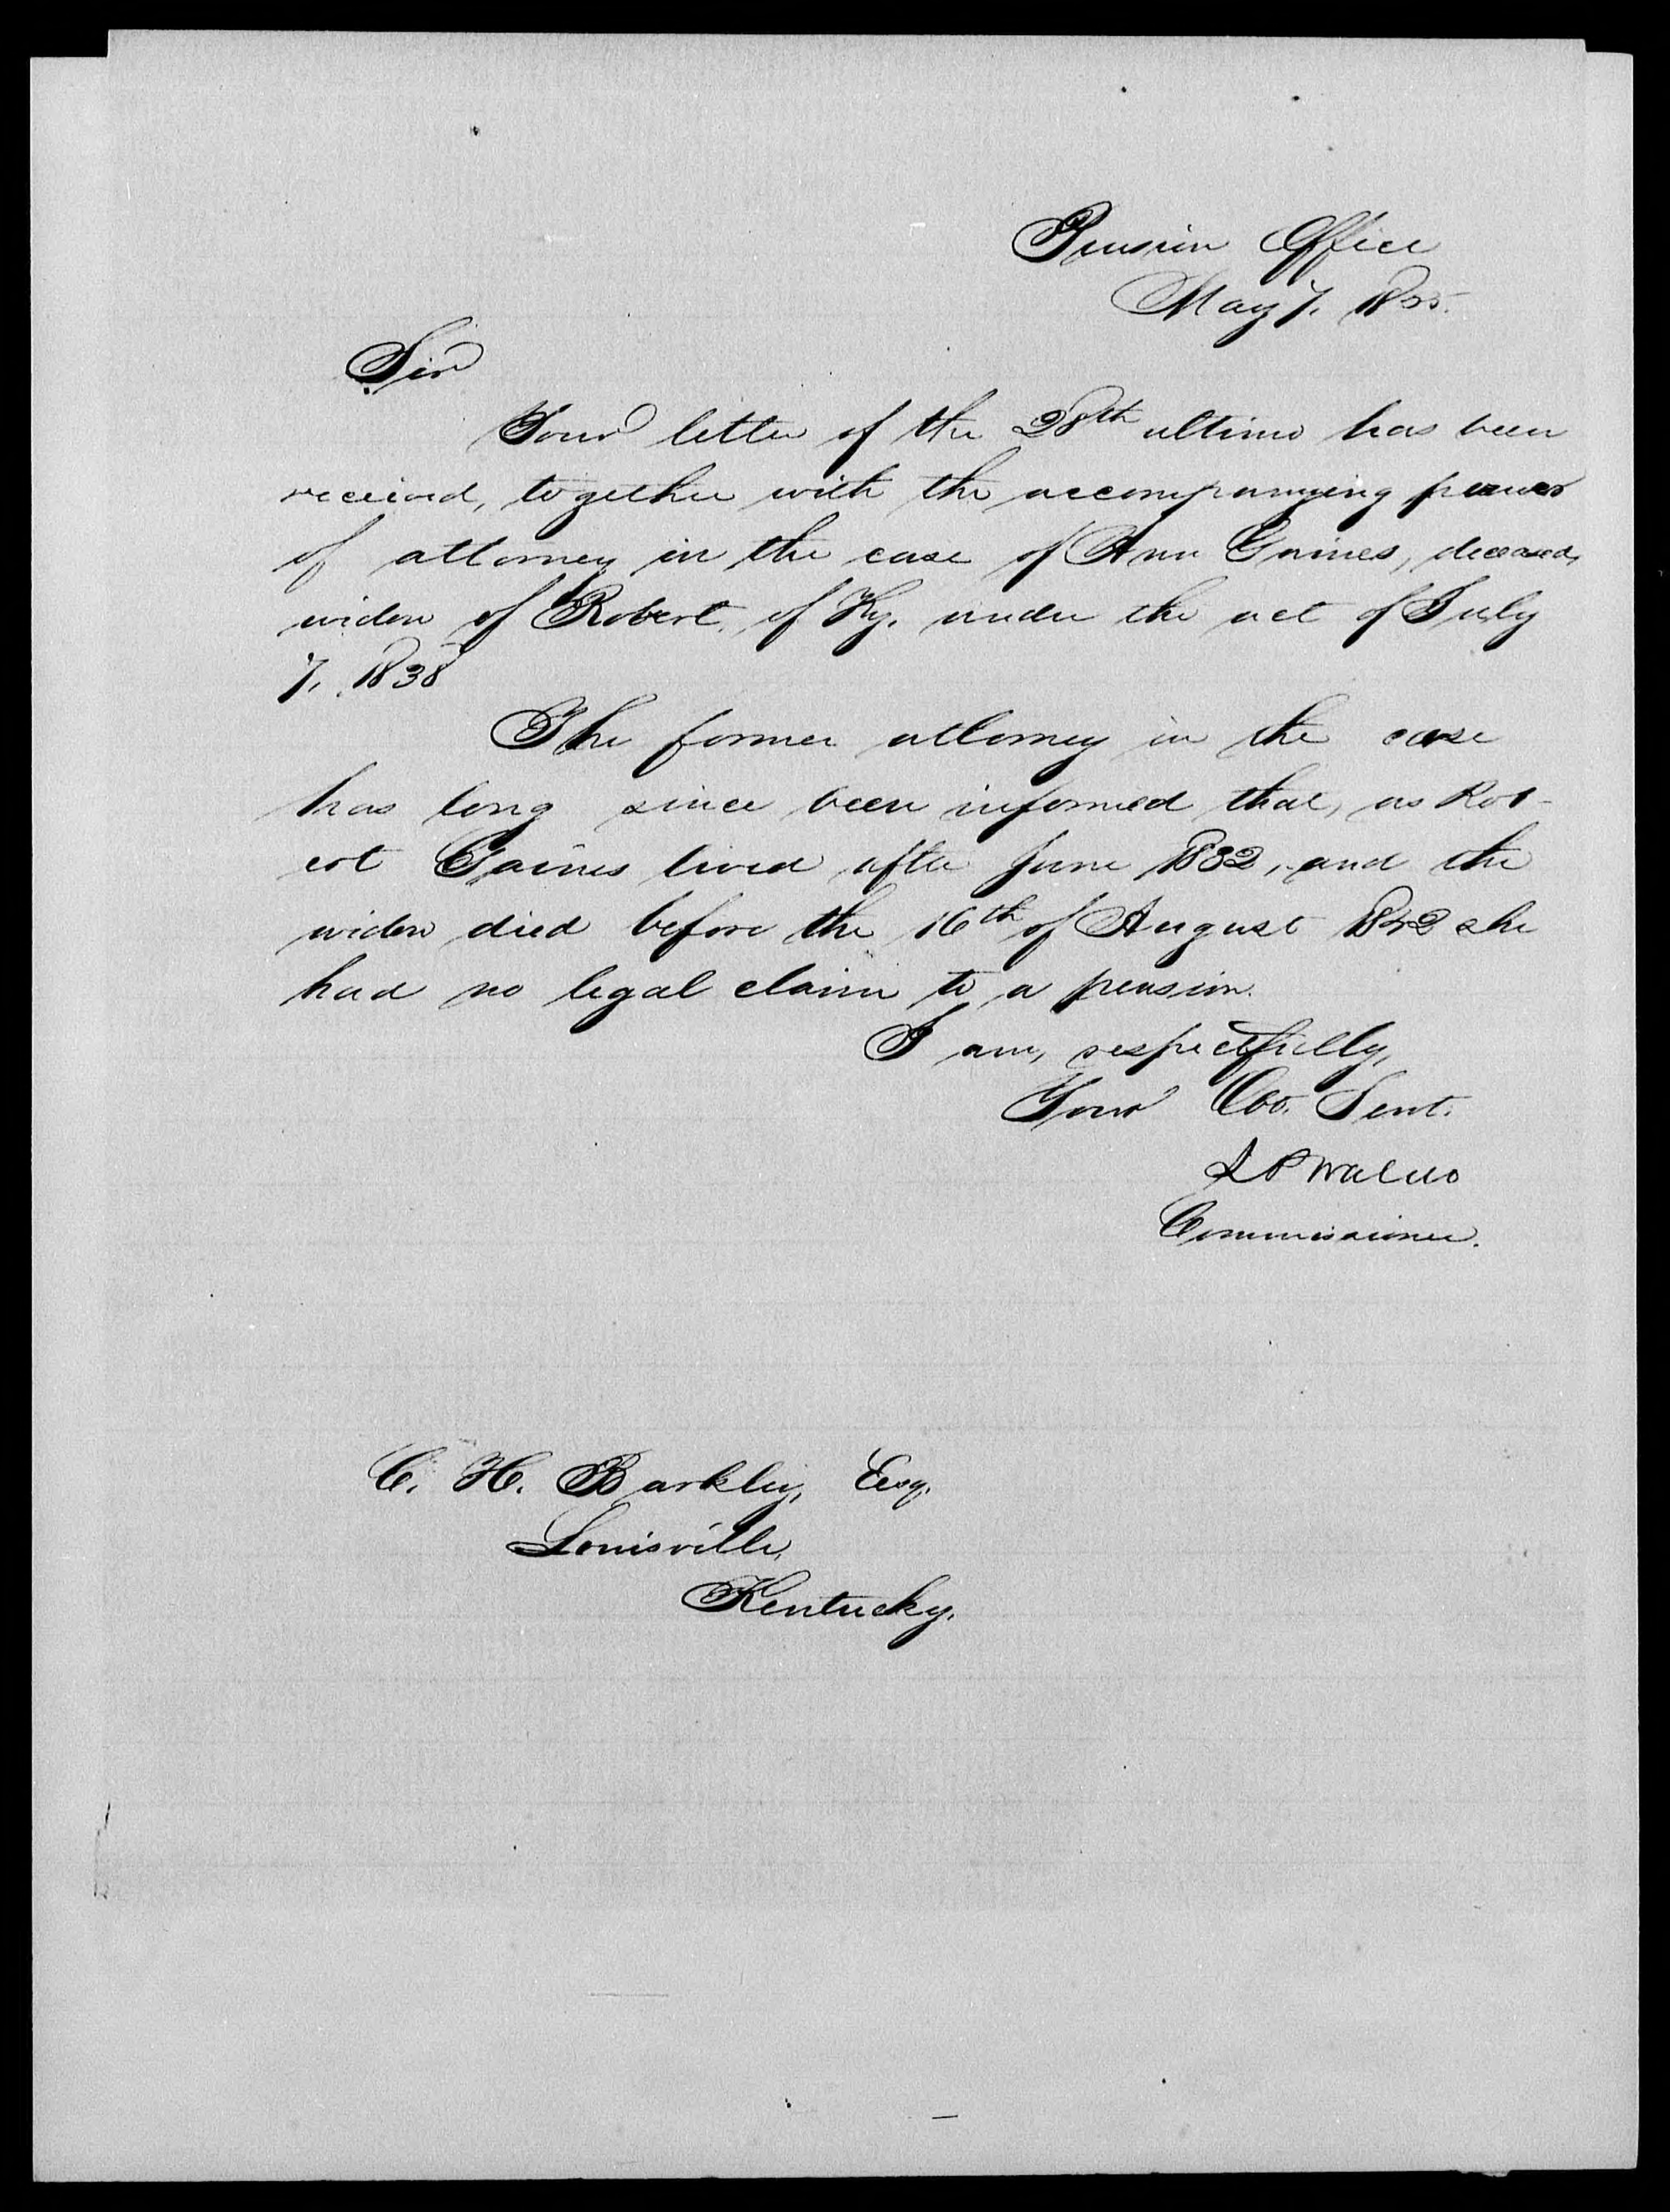Pension Office
May 7, 1855.
Sir
Your letter of the 28th ultimo has been
received, together with the accompanying power
of attorney in the case of Ann Games, deceased,
widow of Robert of Ky, under the act of July
7, 1838
The former attorney in the case
has long since been informed that, as Robert
Gaines lived after June 1882, and the
widow died before the 16th of August 1842 she
had no legal claim to a pension.
I am respectfully,
Your Obt. Sert.
L P Waldo
Commissioner.

C. H. Barkley, Esq.
Louisville
Kentucky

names: L P Waldo, C H Barkley, Robert, Ann Gaines, Robert Gaines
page: 57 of 79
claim: rejected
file: R. 3863, Robert Gaines, Va.